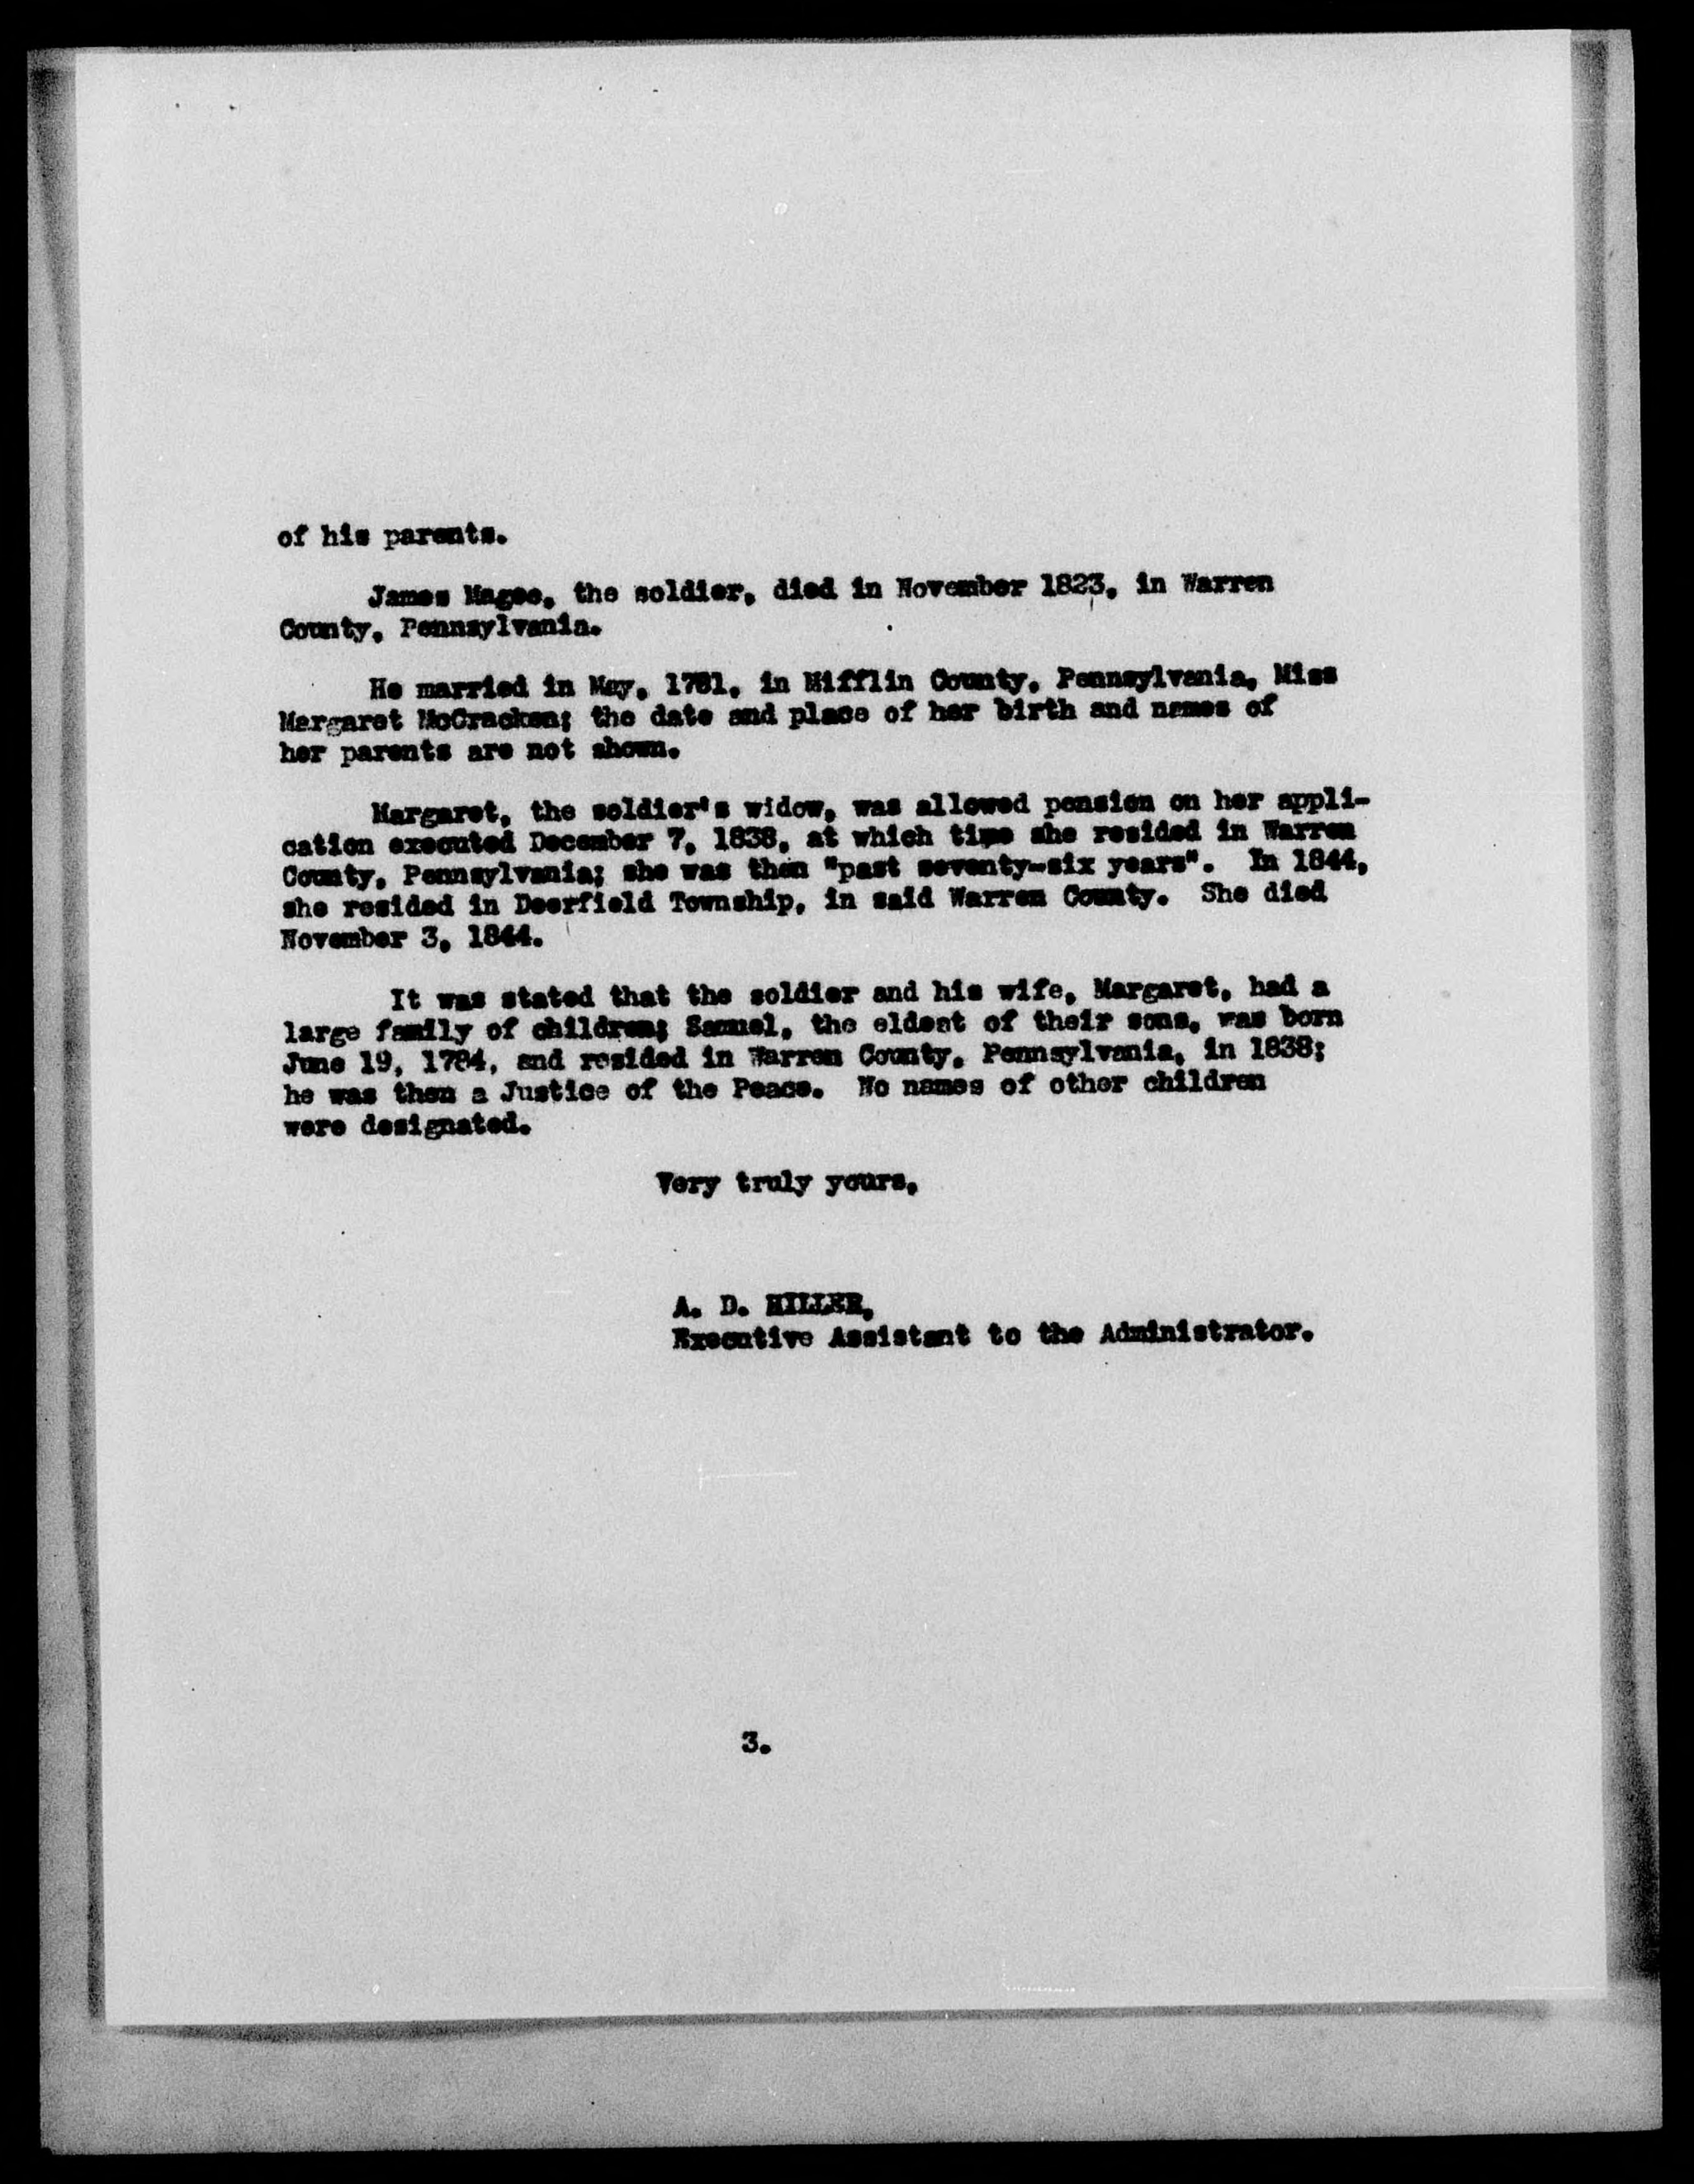of his parents.
James Magee, the soldier, died in November 1823, in Warren County, Pennsylvania.
He married in May, 1781, in Mifflin County, Pennsylvania, Miss
Margaret McCracken, the date and place of her birth and names of
her parents are not shown.

Margaret, the soldier's widow, was allowed pension on her application
executed December 7, 1833, at which time she resided in Warren
County, Pennsylvania; she was then past seventy-six years. In 1844, she resided in Deerfield Township, in said Warren County.  She died November 3, 1844.

It was stated that the soldier and his wife, Margaret, had a
large family of children, Samuel, the eldest of their sons, was born
June 19, 1784, and resided in Warren County, Pennsylvania, in 1838;
he was then a Justice of the Peace. No names of other children
were designated.
Very truly yours,
A. D. HILLER,
Executive Assistant to the Administrator.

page: 76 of 77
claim: widow's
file: W 2954, for James Mc Gee, Delaware